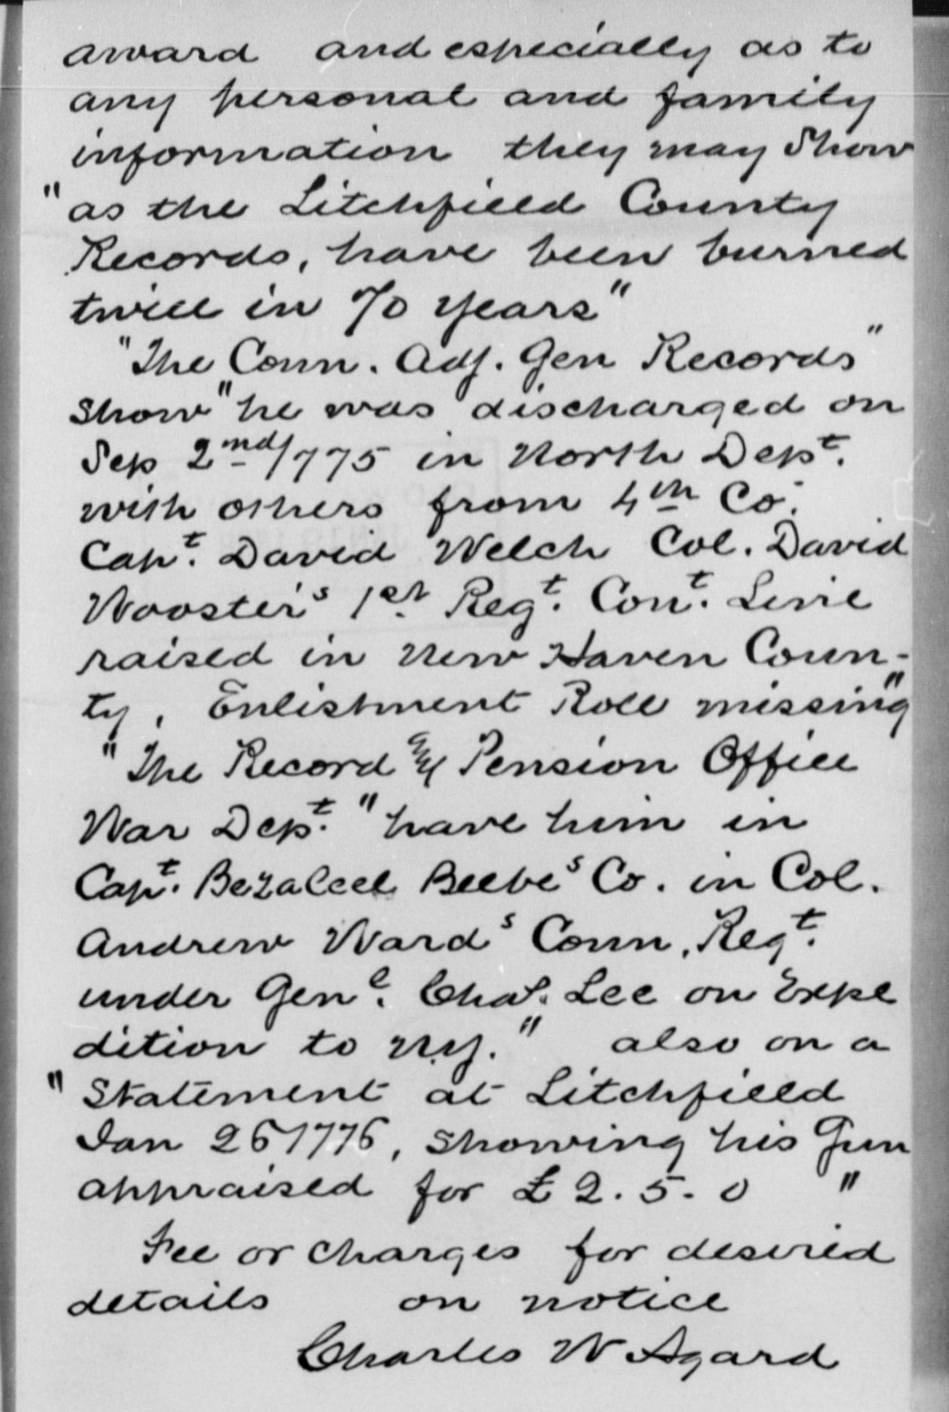award and especially as to
any personal and family
information they may show
"as the Litchfield County
Records, have been burned
twice in 70 years"
"The Conn. Adj. Gen Records"
show he was discharged on
Sep 2nd 1775 in North Dept.
with others from 4th Co.
Capt. David Welch Col. David
Wooster 1st Regt. Cont. Line
raised in New Haven County.
Enlistment Roll missing
The Record and Pension Office
War Dept. have him in
Capt. Bezaleel Beebe's Co. in Col.
Andrew Ward's Conn. Regt
under Genl. Chas. Lee on Expedition to N.Y.
Also on a
"Statement at Litchfield
Jan 26 1776, showing his gun
appraised for 2.5.0."
Fee or charges for desired
details on notice
Charles W Agard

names: Charles W Agard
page: 19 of 19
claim: survivor's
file: S. 23,092, Hezekiah Agard, Conn.